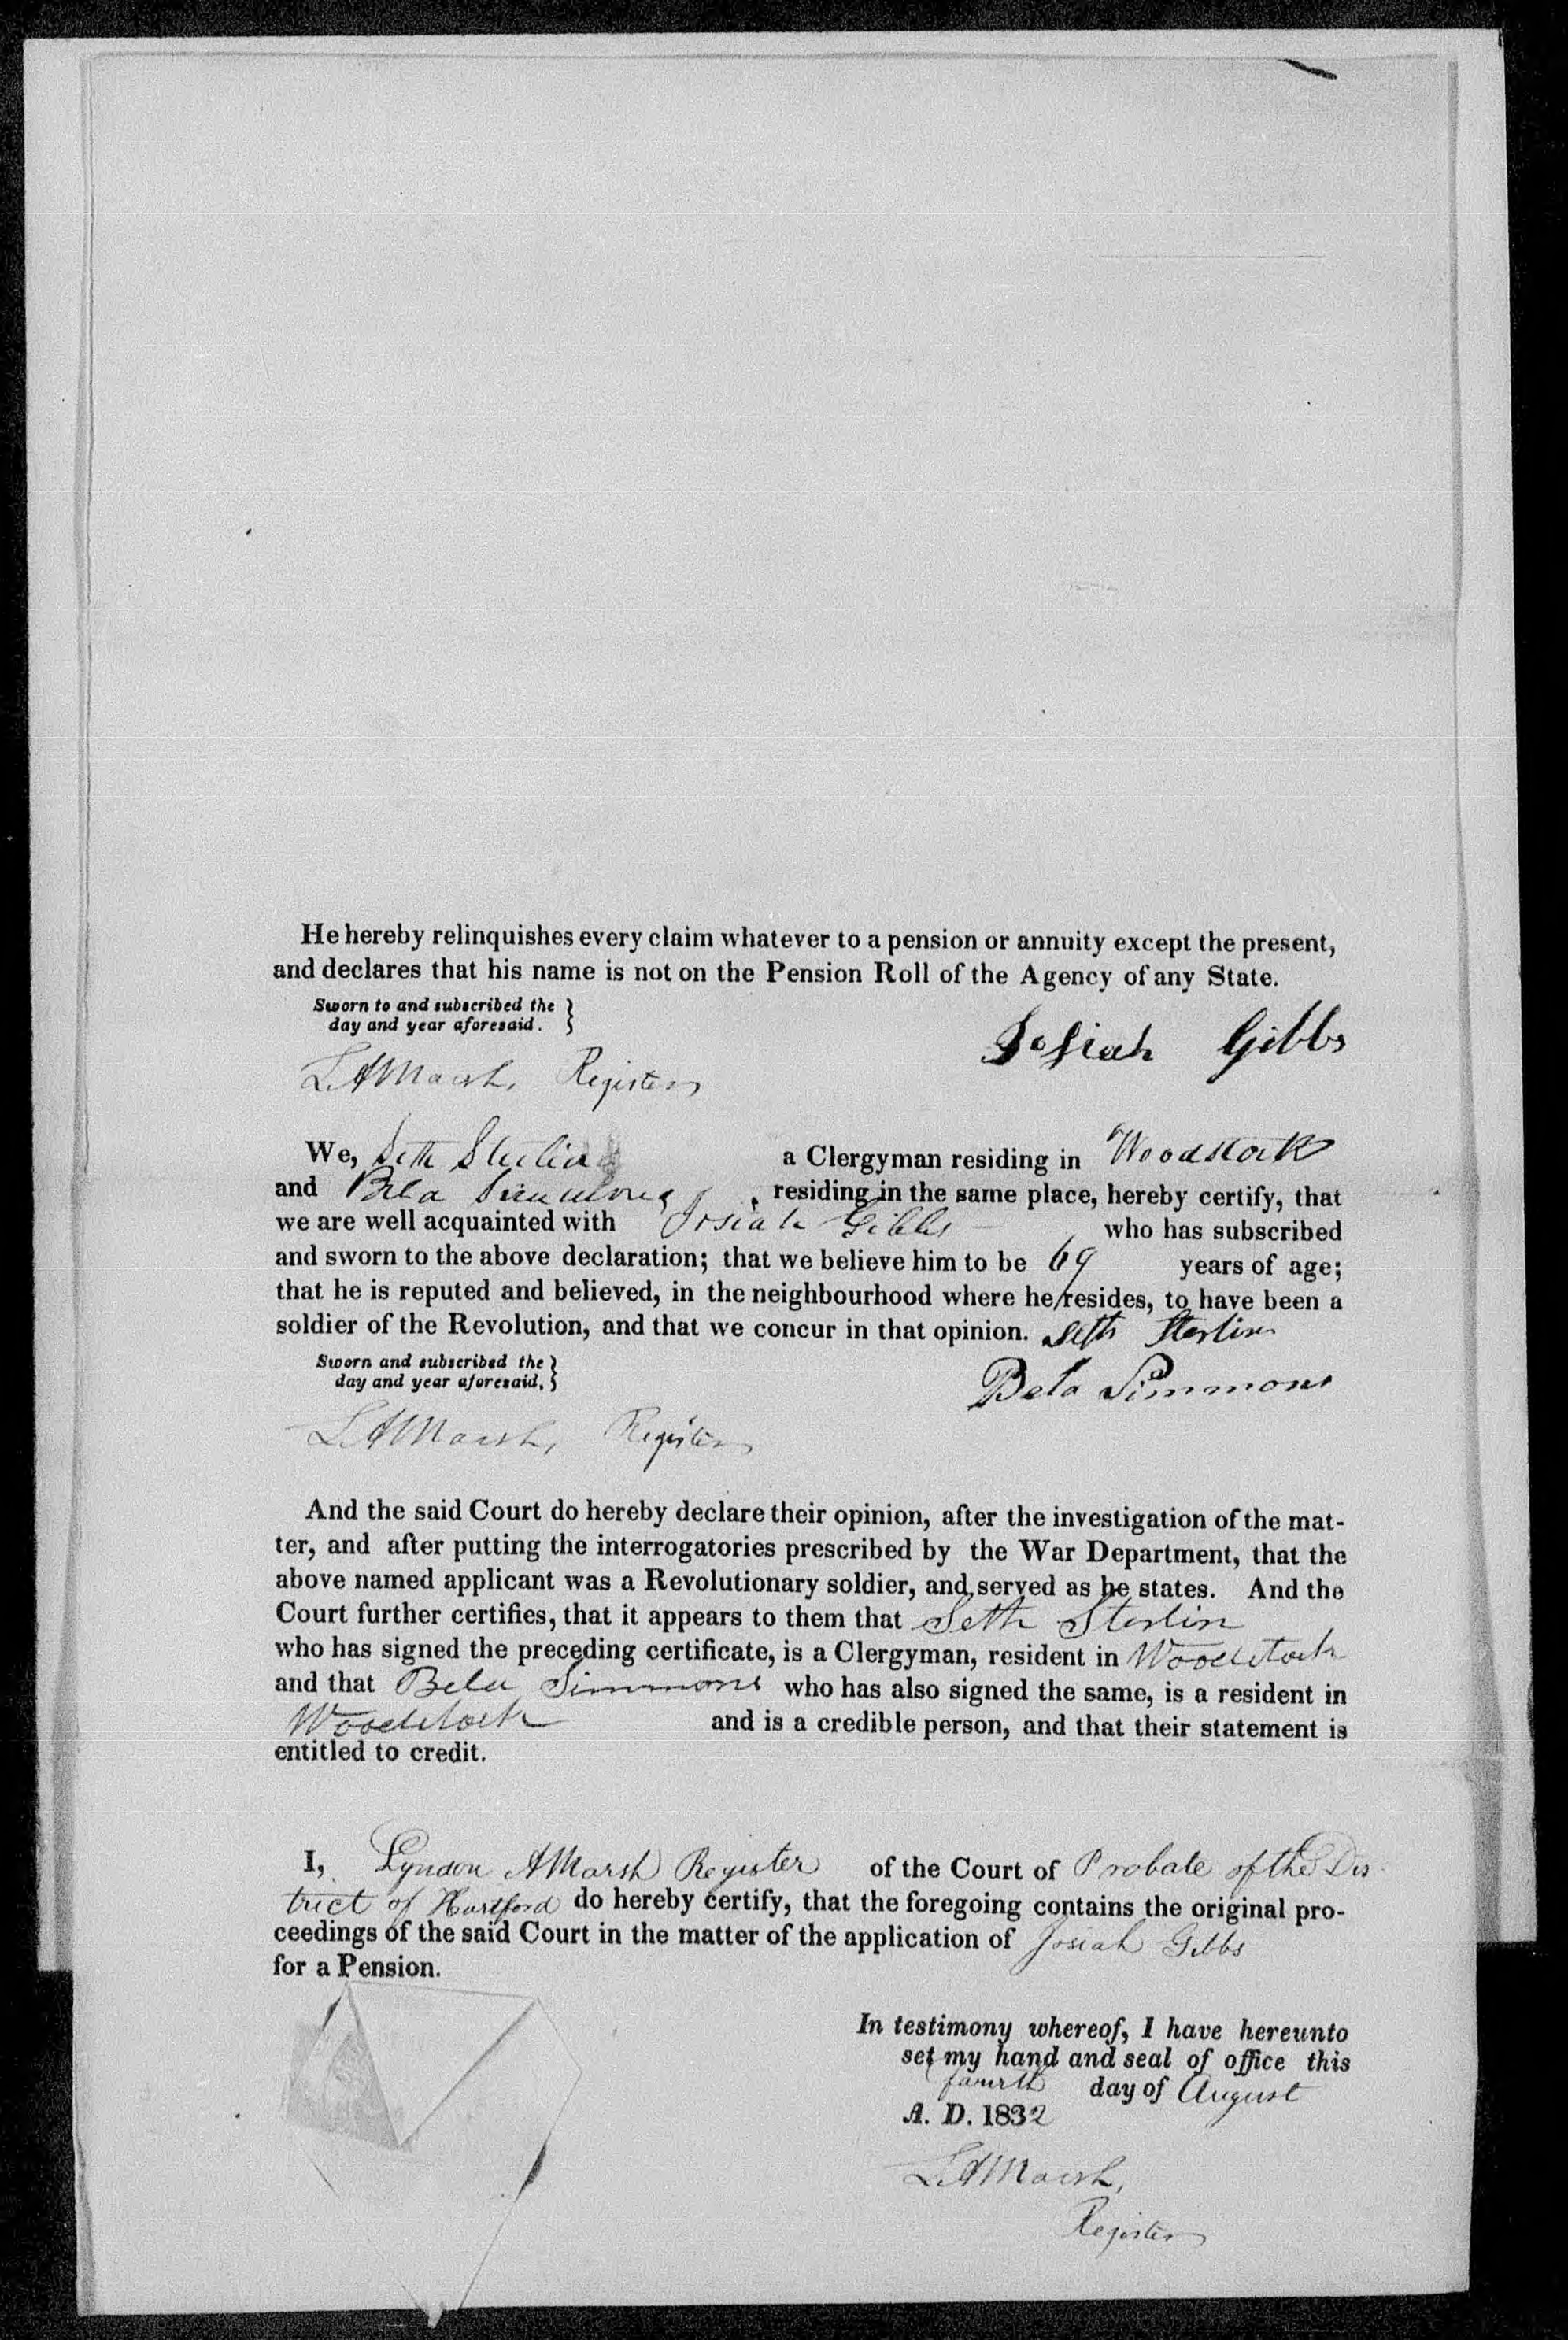He hereby relinquishes every claim whatever to a pension or annuity except the present,
and declares that his name is not on the Pension Roll of the Agency of any State.
Sworn to and subscribed the}
day and year aforesaid.}
--L. A. Marsh, Register
--Josiah Gibbs
We, Seth Sterlin a Clergyman residing in
Woodstock and Bela Simmons residing in the same place, hereby certify, that
we are well acquainted with Josiah Gibbs
who has sworn to the above declaration; that we believe him to be 69 years of age; that he is reputed and believed, in the neighbourhood where he resides, to have been a soldier of the Revolution, and that we concur in that opinion  who has subscribed
Seth Sterlin   Bela Simmons
Sworn and subscribed the}
day and year aforesaid}
L.A.Marsh  Register

And the said Court do hereby declare their opinion, after the investigation of the matter, and after putting the interrogatories prescribed by the War Department, that the
above named applicant was a Revolutionary soldier, and served as he states. And the
Court further certifies, that it appears to them that Seth Sterlin who has signed the preceding certificate, is a Clergyman, resident in Woodstock and that Bela Simmons who has also signed the same, is a resident in
Woodcock and is a credible person, and that their statement is entitled to credit.

I, Lyndon A Marsh Register of the Court of Probate of the District of Hartford do hereby certify, that the foregoing contains the original proceedings of the said Court in the matter of the application of Josiah Gibbs
for a Pension.
In testimony whereof, I have hereunto
set my hand and seal of office this fourth day of August A. D. 1832
L. A. Marsh     Register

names: Josiah Gibbs, Josiah Gibbs, Bela Simmons, Bela Simmons, Seth Sterlin, Bela Simmons, L A Marsh, Seth Sterlin, Lyndon A Marsh, Josiah Gibbs, L A Marsh, Seth Sterlin, L A Marsh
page: 7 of 33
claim: widow's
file: W. 4681, Josiah Gibbs, Mass